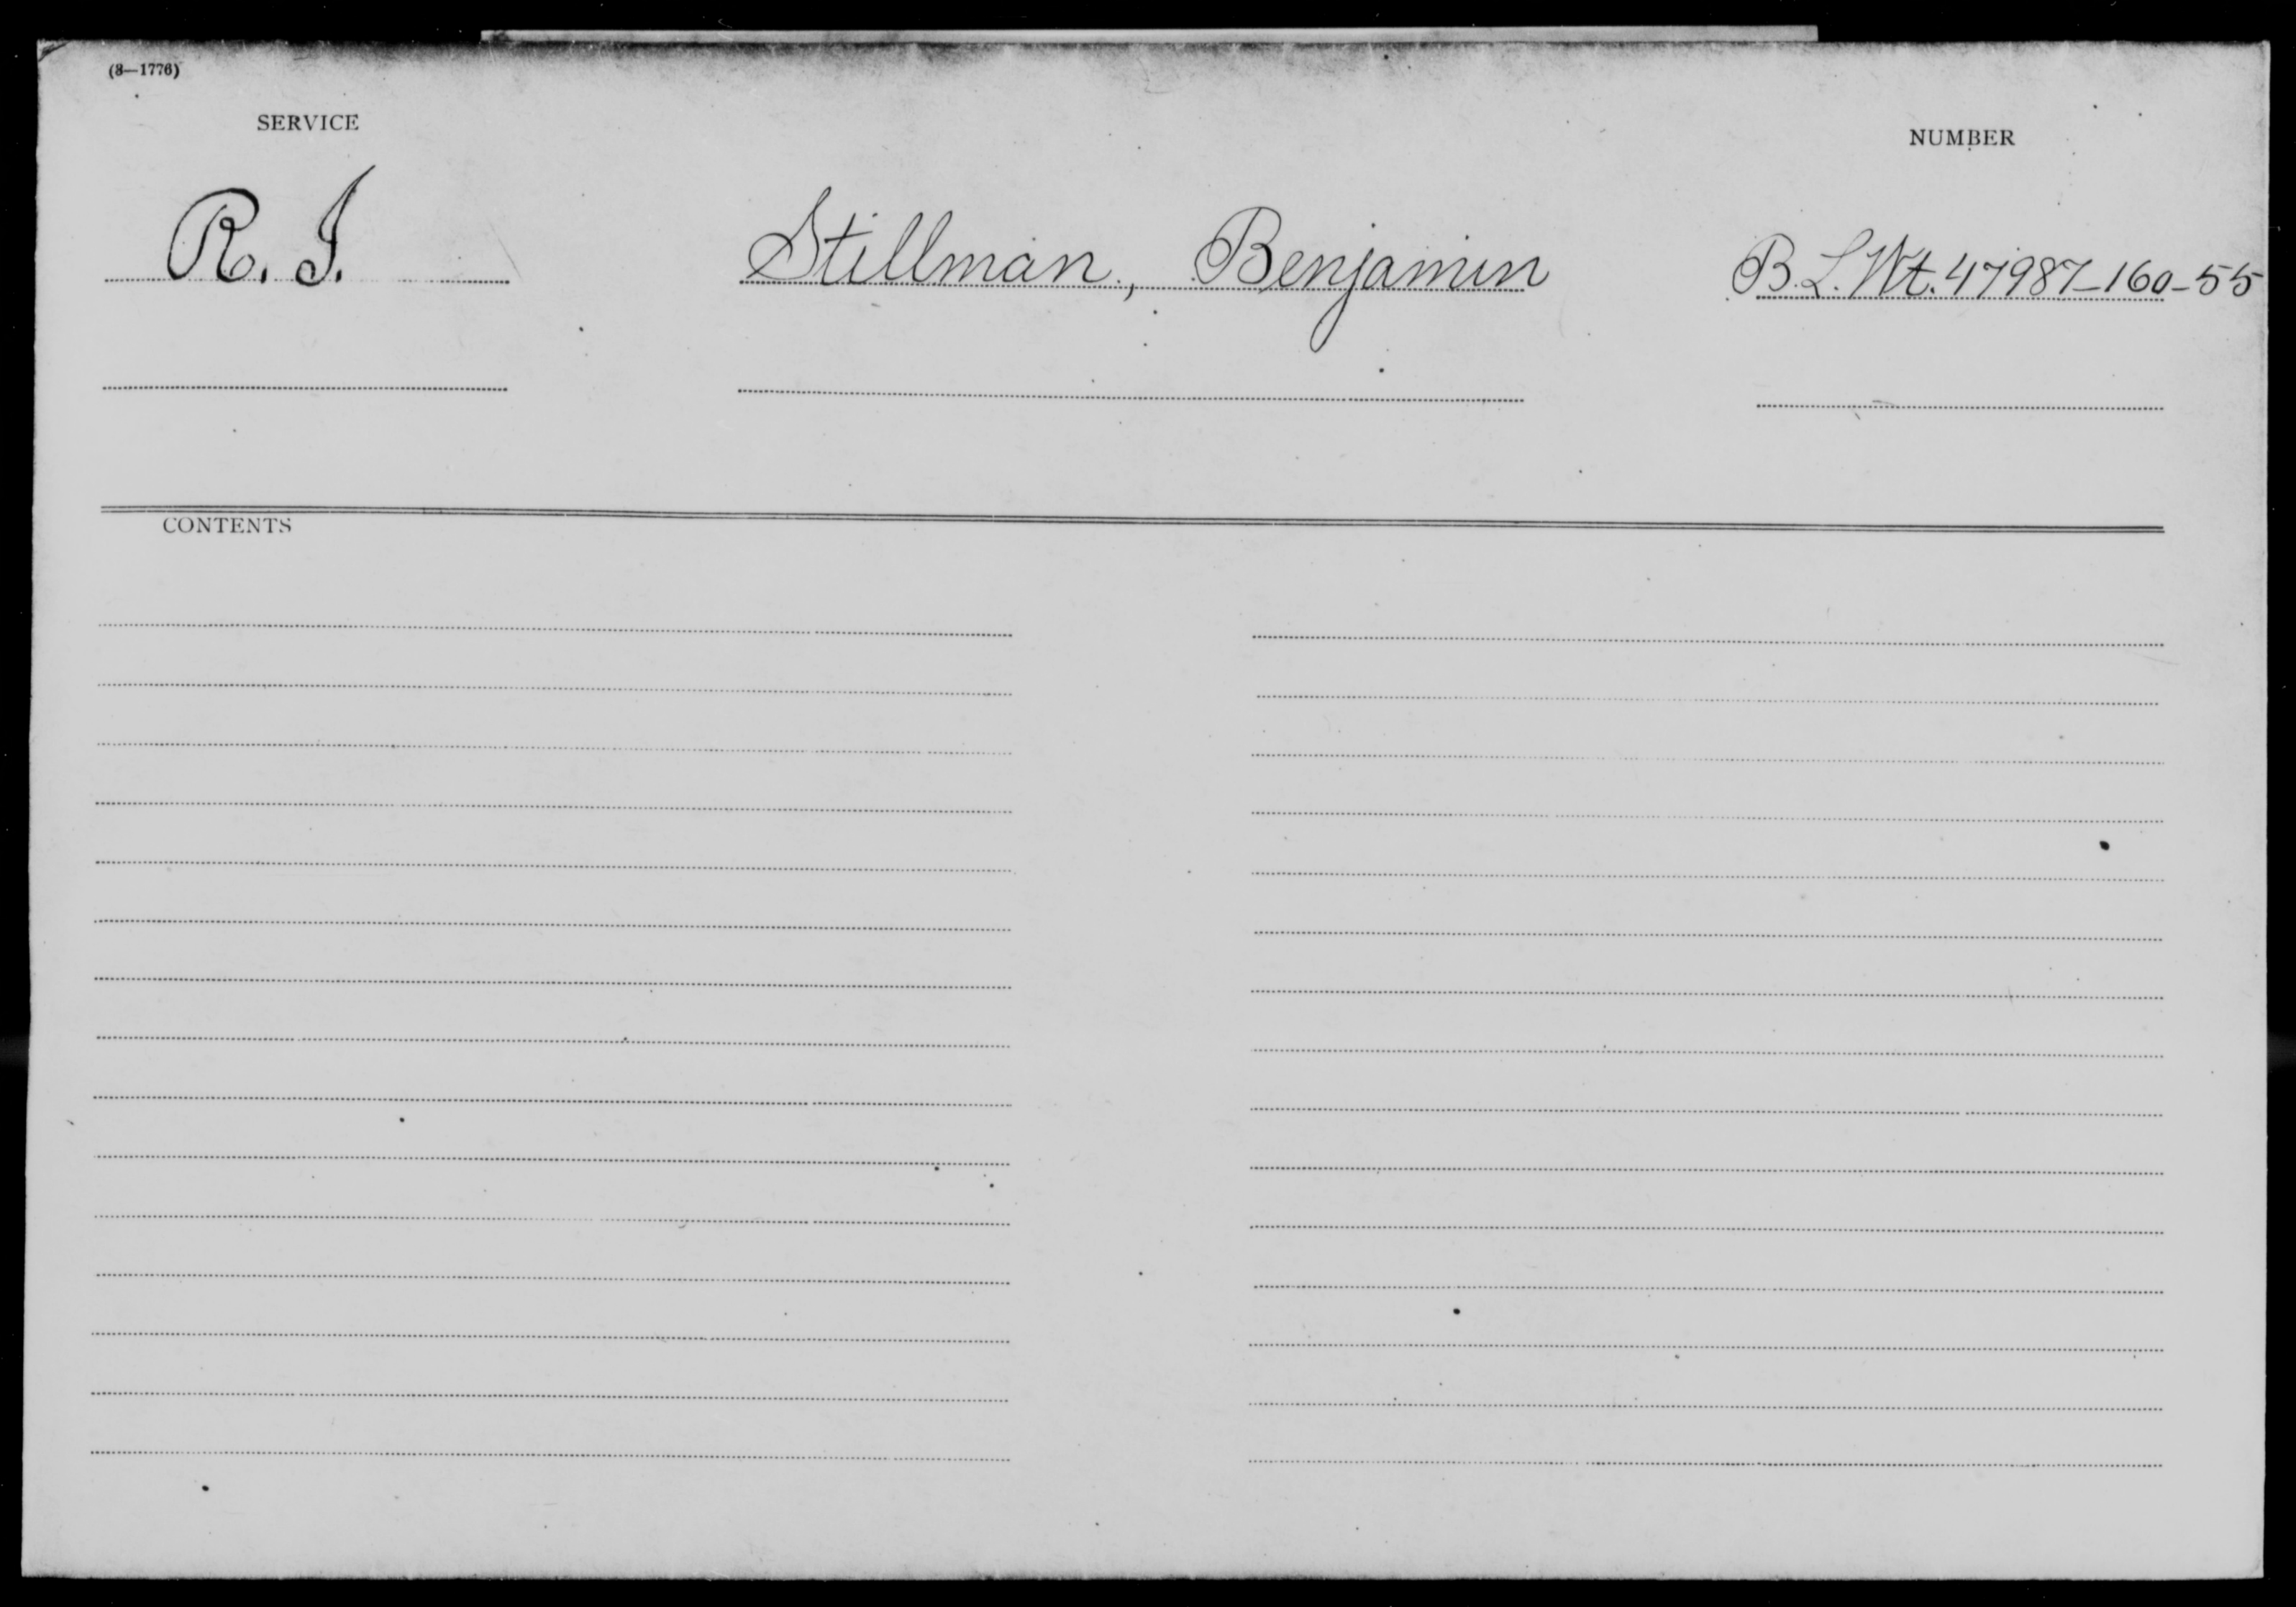SERVICE
R.I.

Stillman, Benjamin

B.L Wt. 47987-160-55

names: [BLANK]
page: 1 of 29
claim: bounty land warrant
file: B.L.Wt.47987-160-55, for Benjamin Stillman, Rhode Island